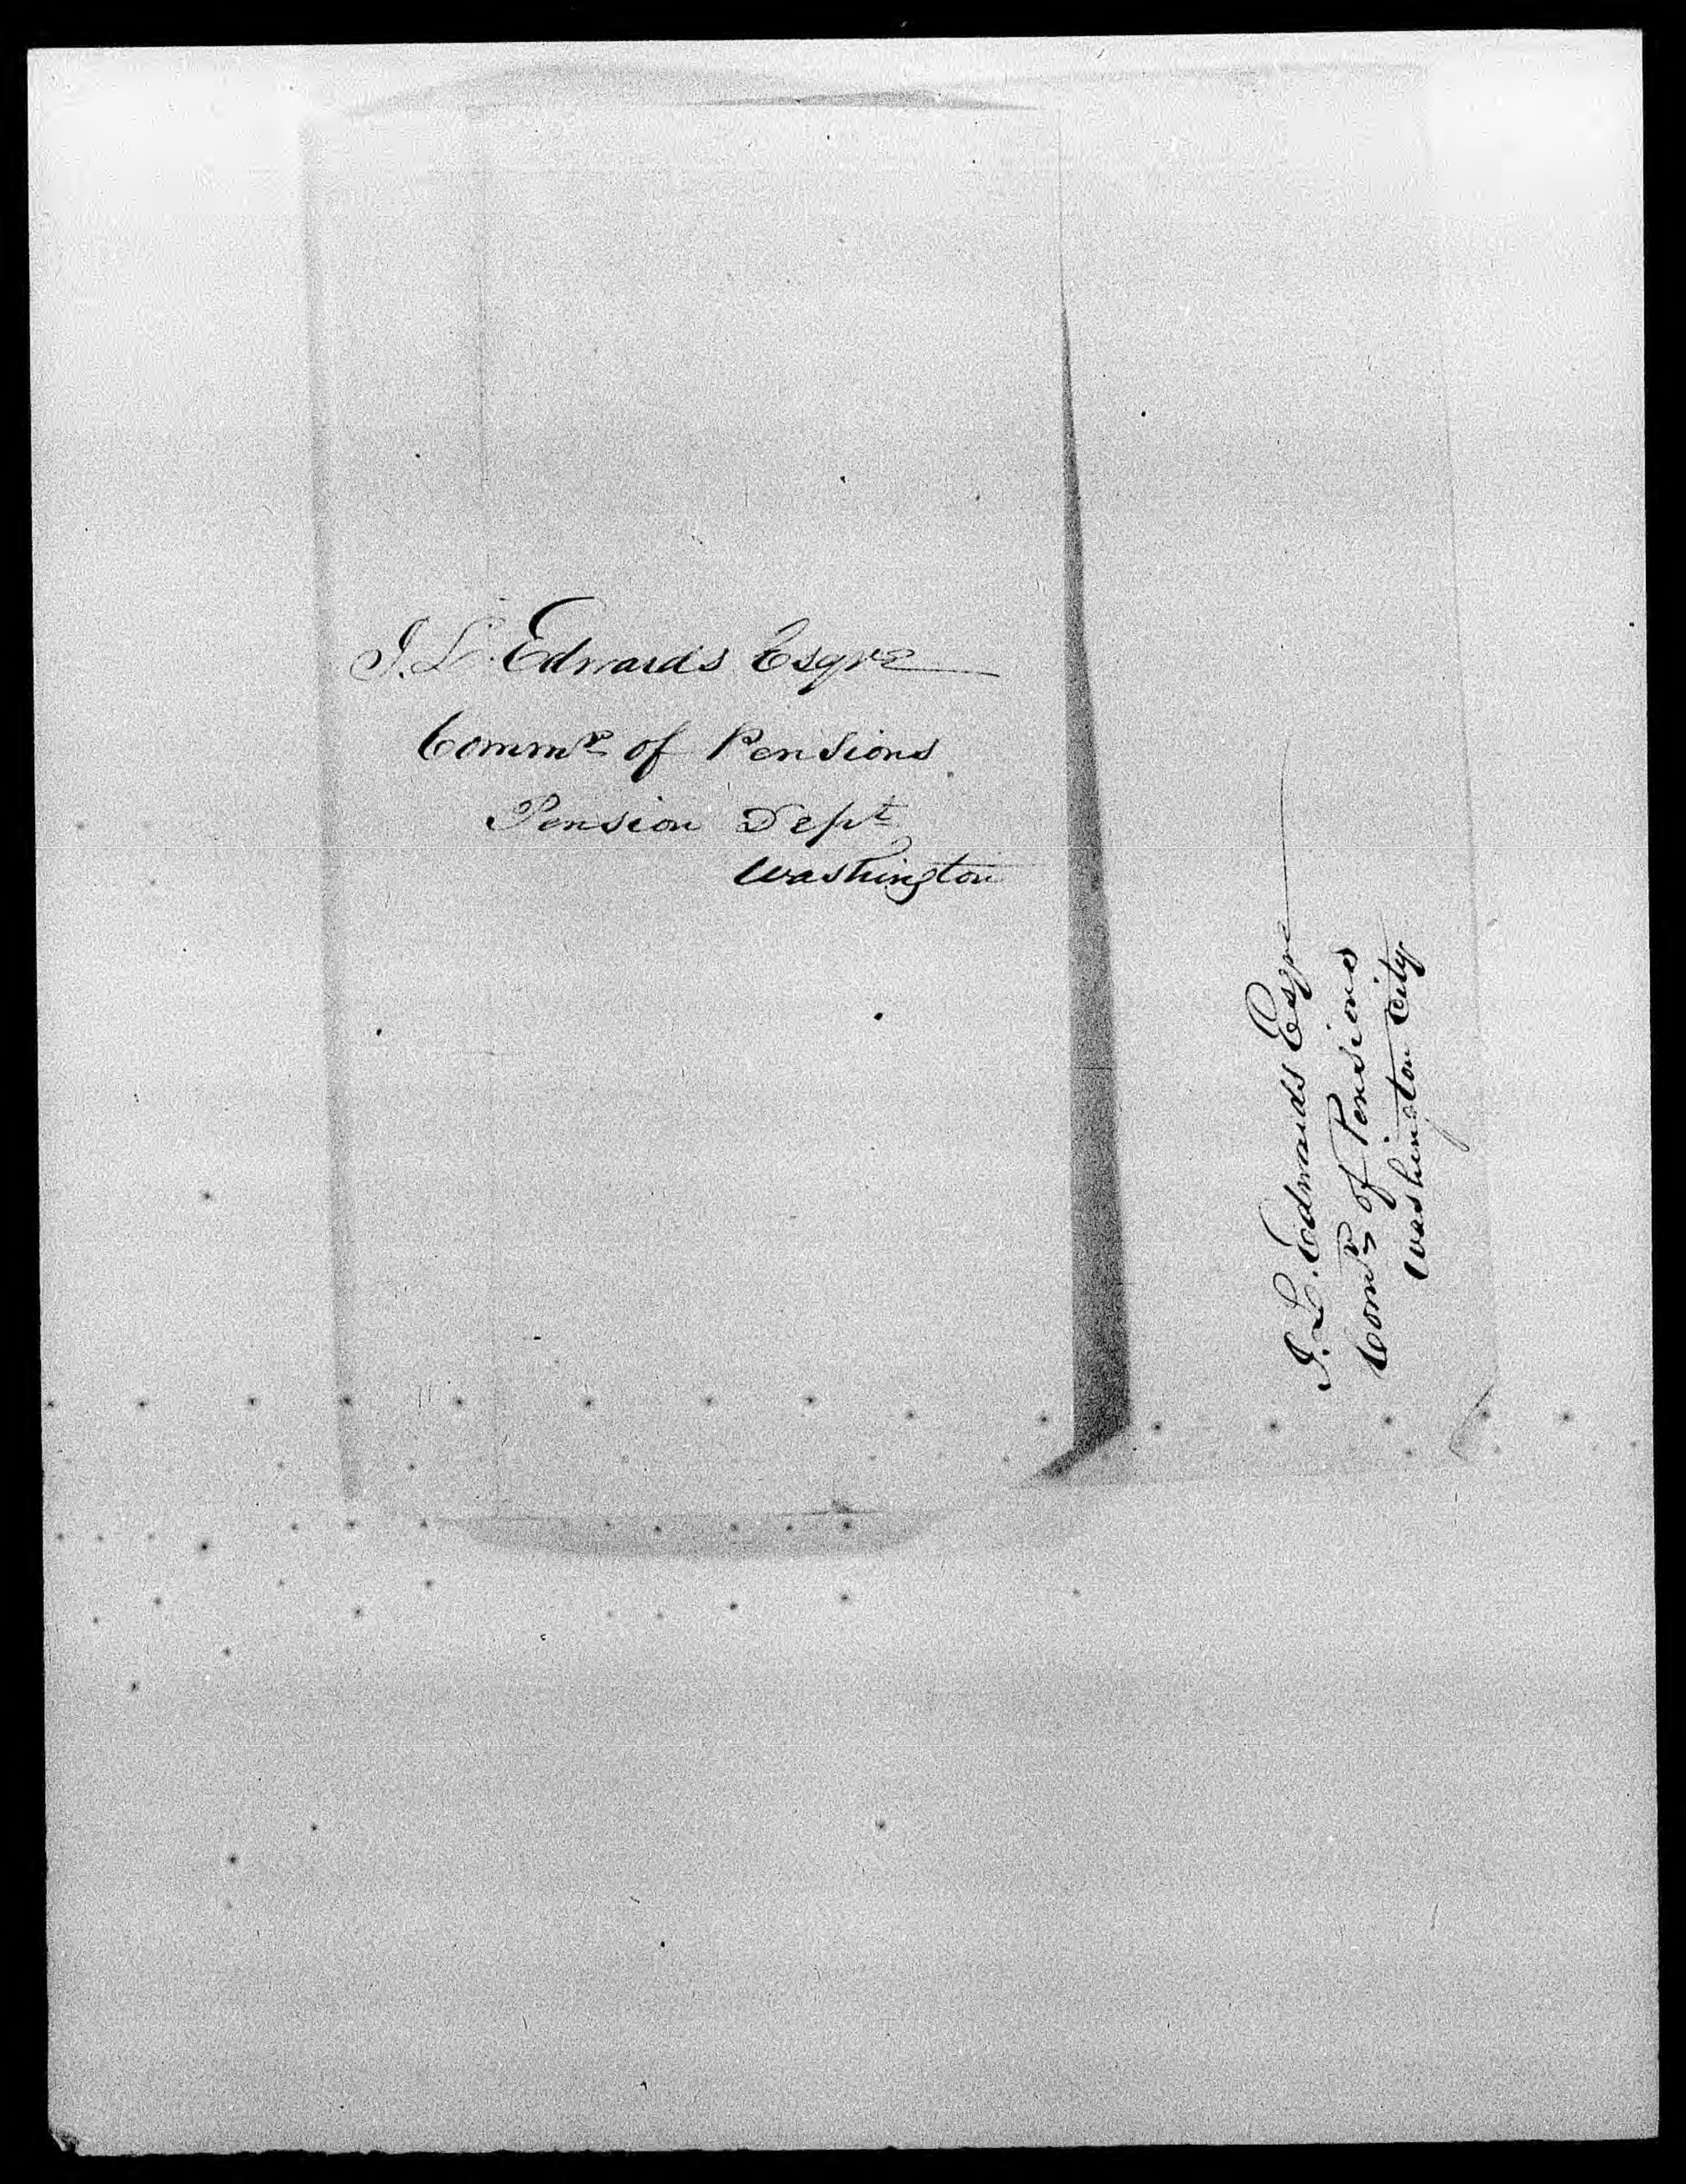J.L. Edwards Esqr 
Commr of Pensions 
Pension Dept 
Washington 

J.L. Edwards Esqr 
Commr of Pensions 
Washington City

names: J L Edwards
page: 26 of 34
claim: widow's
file: W. 940, John Hulshart, New Jersey